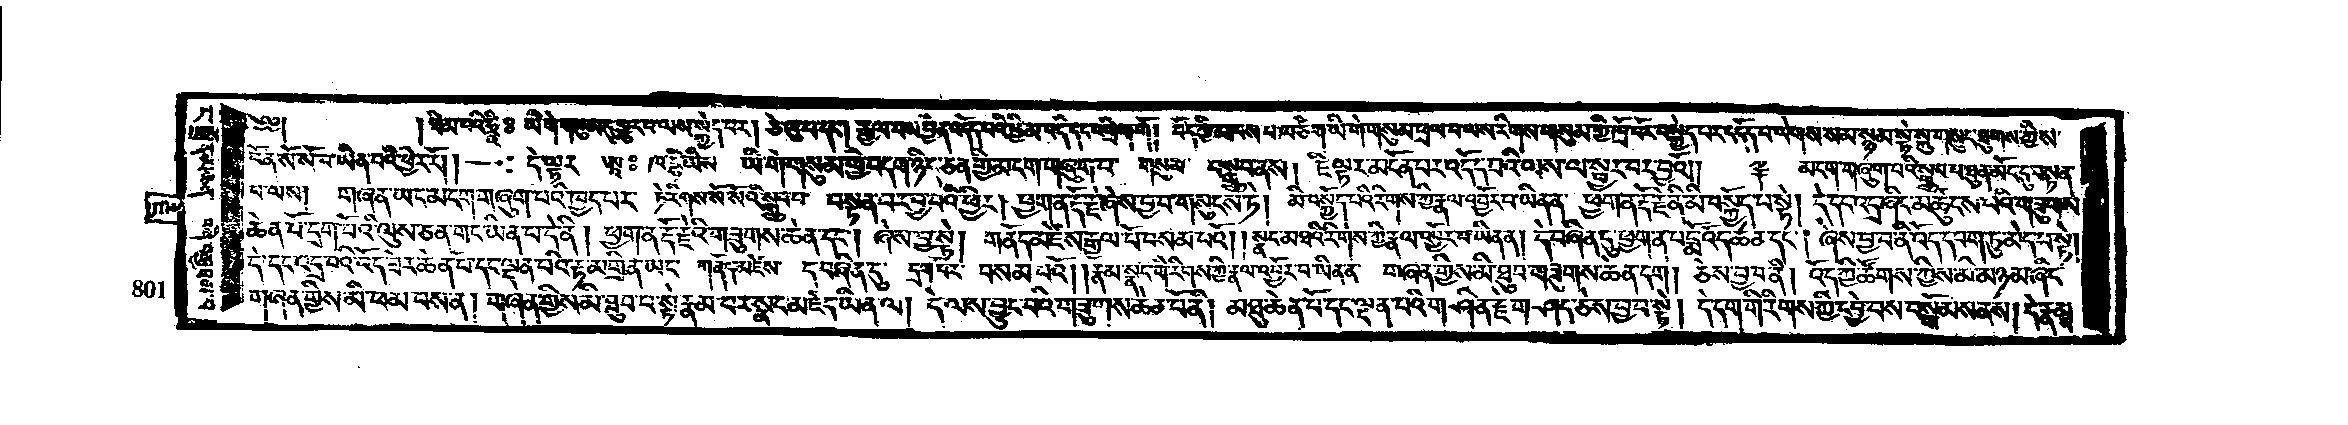༄༅། །ཐིམ་པའི་ཧྲཱིཿ ཡི་གེ་གསུམ་དུ་གྱུར་བ་ལས་སྐྱེད་པར། ཅེ་ལུ་བ་དང་། རྒྱལ་བས་བྱིན་འདོད་པའི་ཕྱི་མ་འདི་དང་འགྲིག་གོ ། བོད་ཀྱི་མཁས་པ་ཁ་ཅིག་ཡི་གེ་གསུམ་ཕྲལ་བ་ལས་རིགས་གསུམ་གྱི་ཁྲོ་བོར་བསྐྱེད་པར་འདོད་པ་ལེགས་སམ་སྙམ་སྟེ་སྐུ་གསུང་ཐུགས་ཀྱི་ས་
བོན་སོ་སོ་བ་ཡིན་པའི་ཕྱིར་རོ།། .H དེ་ལྟར་ཨཱཿ ཁ་དྷི་ཡིས་ཡི་གེ་གསུམ་གྱི་བདག་ཉིད་ཅན་གྱི་མངག་གཞུག་པ་གསུམ་བསྒྲུབ་ནས། ཇི་ལྟར་མངོན་པར་འདོད་པའི་ལས་ལ་སྦྱར་བར་བྱའོ།། ༈ མངག་གཞུག་པའི་སྒྲུབ་པ་ཐུན་མོང་དུ་བསྟན་
པ་ལས། གཞན་ཡང་མངག་གཞུག་པའི་ཁྱད་པར་ཏེ་རིགས་སོ་སོའི་སྒྲུབ་པ་བསྟན་པར་བྱ་བའི་ཕྱིར། ཕྱག་ན་རྡོ་རྗེ་ཞེས་བྱ་བ་གསུངས་ཏེ། མི་བསྐྱོད་པའི་རིགས་ཀྱི་རྣལ་འབྱོར་བ་ཡིན་ན་ཕྱག་ན་རྡོ་རྗེ་ནི་མི་བསྐྱོད་པ་སྟེ། དེ་དང་འདྲ་ཞིང་མཚུངས་པའི་གཟུགས་
ཆེན་པོ་དྲག་པོའི་ལུས་ཅན་གང་ཡིན་པ་དེ་ནི། ཕྱག་ན་རྡོ་རྗེའི་གཟུགས་ཆེན་དང་། ཞེས་བྱ་སྟེ། གནོད་མཛེས་རྒྱལ་པོ་བསམ་པའོ། ། སྣང་མཐའི་རིགས་ཀྱི་རྣལ་འབྱོར་པ་ཡིན་ན། དེ་བཞིན་དུ་ཕྱག་ན་པདམོ་འོད་ཆེན་དང་། ཞེས་བྱ་བ་ནི་འོད་དཔག་ཏུ་མེད་པ་སྟེ།
དེ་དང་འདྲ་བའི་འོད་ཟེར་ཆེན་པོ་དང་ལྡན་པའི་རྟ་མགྲིན་ཡང་གནོད་མཛེས་དེ་བཞིན་དུ་དྲག་པོར་བསམ་པའོ། ། རྣམ་སྣང་གི་རིགས་ཀྱི་རྣལ་འབྱོར་བ་ཡིན་ན་གཞན་གྱིས་མི་ཐུབ་གཟུགས་ཆེན་དག །ཅེས་བྱ་བ་ནི། འོད་ཀྱི་ཚོགས་ཀྱིས་མི་མཉམ་ཞིང་
གཞན་གྱིས་མི་ཕམ་བས་ན། གཞན་གྱིས་མི་ཐུབ་པ་སྟེ་རྣམ་པར་སྣང་མཛད་ཡིན་ལ། དེ་ལས་བྱུང་བའི་གཟུགས་ཆེན་པོ་ནི། མཐུ་ཆེན་པོ་དང་ལྡན་པའི་གཤིན་རྗེ་གཤད་ཅེས་བྱ་བ་སྟེ། དེ་དག་གི་རིགས་ཀྱི་དབྱེ་བས་བསྒོམས་ནས། དེ་རྣམས་